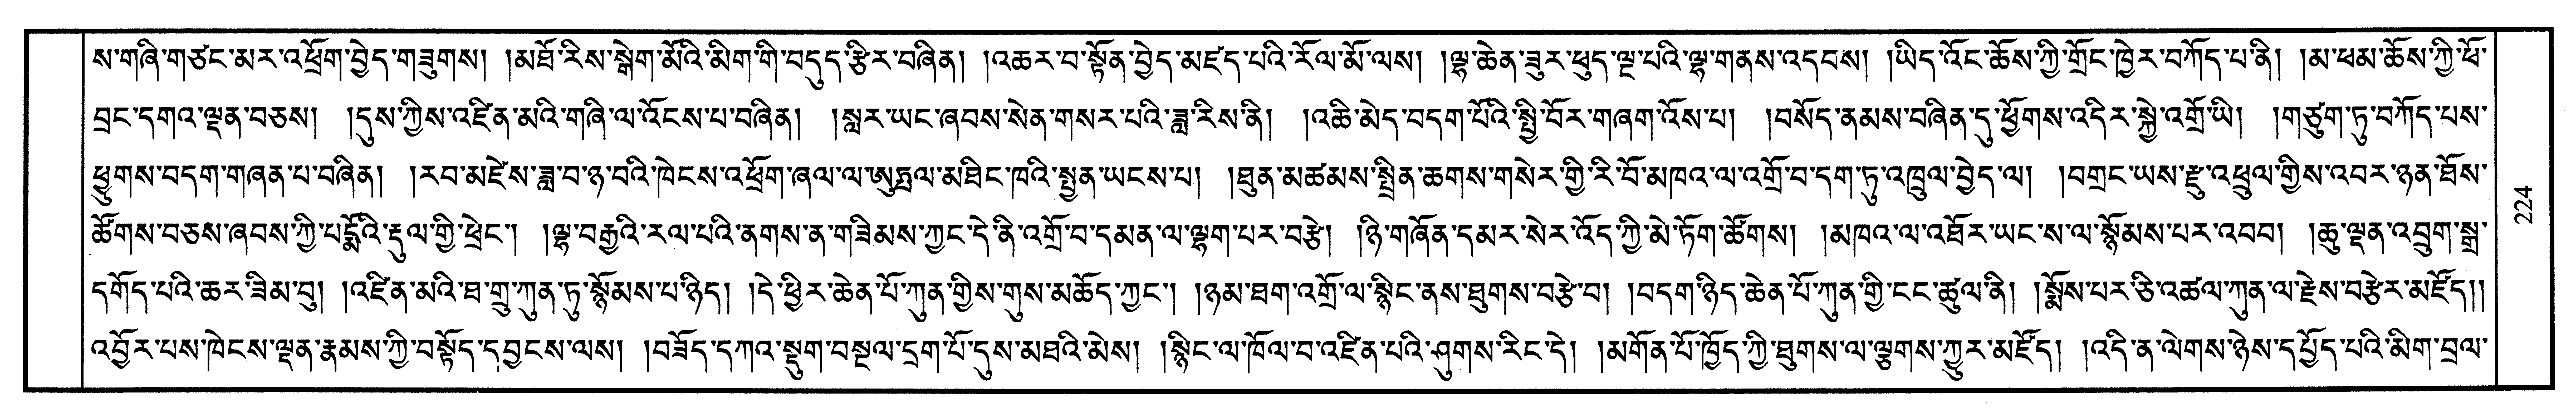ས་གཞི་གཙང་མར་འཕྲོག་བྱེད་གཟུགས། །མཐོ་རིས་སྒེག་མོའི་མིག་གི་བདུད་རྩིར་བཞིན། །འཆར་བ་སྟོན་བྱེད་མཛད་པའི་རོལ་མོ་ལས། །ལྷ་ཆེན་ཟུར་ཕུད་ལྔ་པའི་ལྷ་གནས་འདབས། །ཡིད་འོང་ཆོས་ཀྱི་གྲོང་ཁྱེར་བཀོད་པ་ནི། །མ་ཕམ་ཆོས་ཀྱི་ཕོ་
བྲང་དགའ་ལྡན་བཅས། །དུས་ཀྱིས་འཛིན་མའི་གཞི་ལ་འོངས་པ་བཞིན། །སླར་ཡང་ཞབས་སེན་གསར་བའི་ཟླ་རིས་ནི། །འཆི་མེད་བདག་པོའི་སྤྱི་བོར་གཞག་འོས་པ། །བསོད་ནམས་བཞིན་དུ་ཕྱོགས་འདིར་སྐྱེ་འགྲོ་ཡི། །གཙུག་ཏུ་བཀོད་པས་
ཕྱུགས་བདག་གཞན་པ་བཞིན། །རབ་མཛེས་ཟླ་བ་ཉ་བའི་ཁེངས་འཕྲོག་ཞལ་ལ་ཨུཏྤལ་མཐིང་ཁའི་སྤྱན་ཡངས་པ། །ཐུན་མཚམས་སྤྲིན་ཆགས་གསེར་གྱི་རི་བོ་མཁའ་ལ་འགྲོ་བ་དག་ཏུ་འཁྲུལ་བྱེད་ལ། །བགྲང་ཡས་རྫུ་འཕྲུལ་གྱིས་འབར་ཉན་ཐོས་
ཚོགས་བཅས་ཞབས་ཀྱི་པདམོའི་རྡུལ་གྱི་ཕྲེང་། །ལྷ་བརྒྱའི་རལ་པའི་ནགས་ན་གཟིམས་ཀྱང་དེ་ནི་འགྲོ་བ་དམན་ལ་ལྷག་པར་བརྩེ། །ཉི་གཞོན་དམར་སེར་འོད་ཀྱི་མེ་ཏོག་ཚོགས། །མཁའ་ལ་འཐོར་ཡང་ས་ལ་སྙོམས་པར་འབབ། །ཆུ་ལྡན་འབྲུག་སྒྲ་
དགོད་པའི་ཆར་ཟིམ་བུ། །འཛིན་མའི་ཐ་གྲུ་ཀུན་ཏུ་སྙོམས་པ་ཉིད། །དེ་ཕྱིར་ཆེན་པོ་ཀུན་གྱིས་གུས་མཆོད་ཀྱང་། །ཉམ་ཐག་འགྲོ་ལ་སྙིང་ནས་ཐུགས་བརྩེ་བ། །བདག་ཉིད་ཆེན་པོ་ཀུན་གྱི་ངང་ཚུལ་ནི། །སྨོས་པར་ཅི་འཚལ་ཀུན་ལ་རྗེས་བརྩེར་མཛོད།།
འབྱོར་པས་ཁེངས་ལྡན་རྣམས་ཀྱི་བསྟོད་དབྱངས་ལས། །བཟོད་དཀའ་སྡུག་བསྔལ་དྲག་པོ་དུས་མཐའི་མེས། །སྙིང་ལ་ཁོལ་བ་འཛིན་པའི་ཤུགས་རིང་དེ། །མགོན་པོ་ཁྱོད་ཀྱི་ཐུགས་ལ་ལྕགས་ཀྱུར་མཛོད། །འདི་ན་ལེགས་ཉེས་དཔྱོད་པའི་མིག་བྲལ་